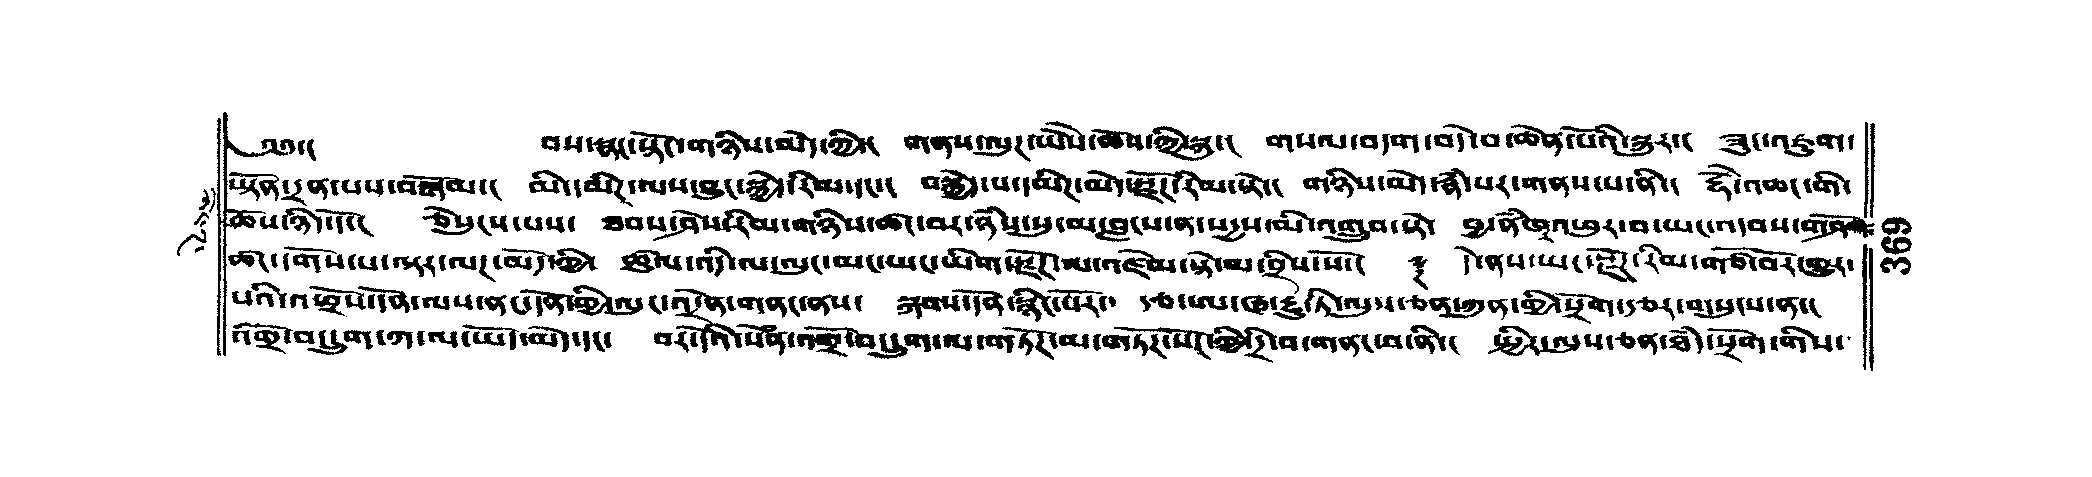བས་སྣང་སྟོང་གཉིས་མེད་ཀྱི། །གནས་ལུགས་ཡེ་ཤེས་ཆོས་ཀྱི་སྐུ། །གསལ་དག་བདེ་བ་ཆེན་པོའི་སྐུར། །ཟུང་འཇུག་
ཡོན་ཏན་དྲན་པས་བསྒོམ། །མི་དམིགས་ལས་བྱུང་བསྐྱེད་རིམ་དང་། །བསྐྱེད་པ་དམིགས་མེད་རྫོགས་རིམ་སྟེ། །གཉིས་མེད་རྣམ་པར་གནས་པ་ནི། །རྡོ་རྗེ་འཆང་གི་
ཆོས་ཉིད་དོ། ཞེས་གསུངས་པས། ཐབས་ཤེས་རིམ་གཉིས་ཚང་བར་ཉམས་སུ་མ་བླངས་ན་སངས་རྒྱས་མི་འགྲུབ་སྟེ། བྱ་ནམ་མཁར་འཕུར་བ་ཡང་འདབ་གཤོག་
ཚང་དགོས་པ་ལྟར་ལགས་མོད་ཀྱི། ཚུལ་འདི་ལ་ལུང་མང་ཡང་ཡིག་ཚོགས་ལ་འཛེམ་སྟེ་མ་བྲིས་སོ། ༈ དེ་ནས་ཡང་རྫོགས་རིམ་གཙོ་བོར་གྱུར་
པའི་འཕྲོས་དོན་ལས་ནང་དོན་གྱི་ལུང་འདྲེན་གནང་ནས། སྐབས་དོན་སྙིང་པོར། རྩ་ཨ་ཝ་དྷུ་ཏི་ལུས་ཅན་ཀུན་གྱི་སྲོག་རྩར་གསུངས་ན། 
འགྲོ་བ་དྲུག་ཀ་ལ་ཡོད་མོད་དང་། བར་དོའི་སེམས་ཅན་འགྲོ་བ་དྲུག་ལ་གཏོགས་མ་གཏོགས་སོགས་ཀྱི་དྲི་བ་གནང་བ་ནི། སྤྱིར་ལུས་ཅན་ཐམས་ཅད་སྲོག་གིས་